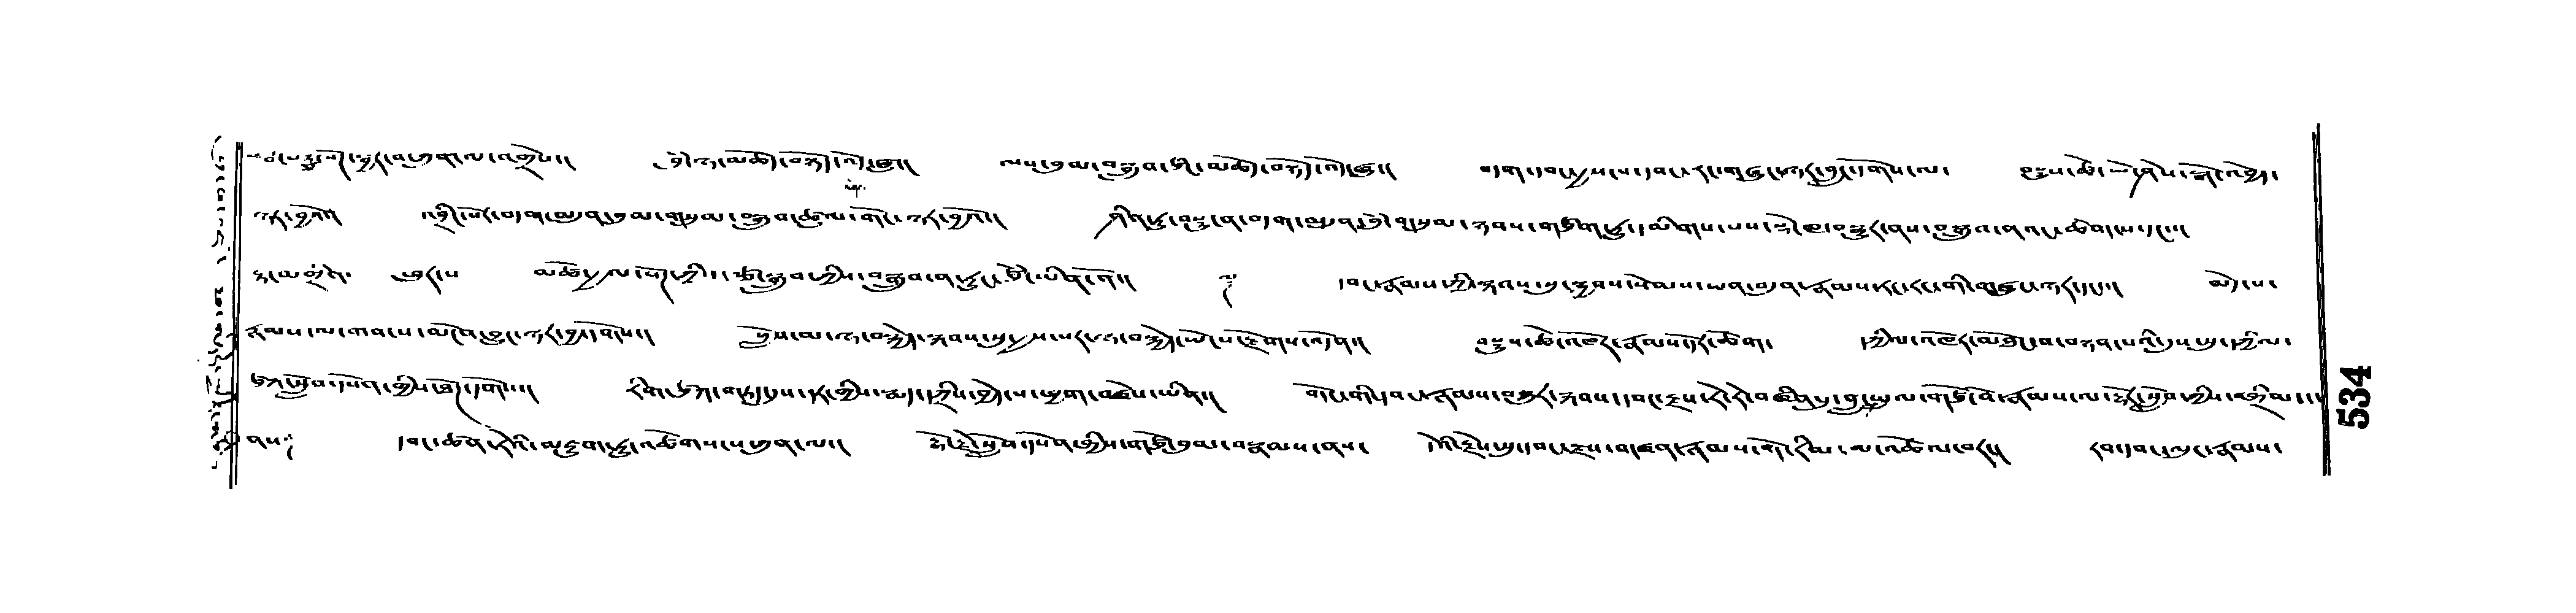སརྦ་པཉྩ་སོགས་སྦྱར་བ་ཀུན་ལ་འགྲེས། བུམ་ལྷ་མཆོད་བསྟོད་འོད་ཞུ། ལས་བུམ་བསྒྲུབ་ཅིང་མཆོད་བསྟོད་འོད་ཞུ། བདག་དབང་རྒྱས་པ་དབང་རང་གཞུང་ལྟར་བླང་དགོས་ལ། བསྡུས་ཚེ་ཡེ་ཤེས་སྒོ་འབྱེད་
ལྟར་བྱའོ། འབྲིང་པོར་བདག་མདུན་བུམ་གསུམ་བསྒྲུབ་ཚུལ་གོང་ལྟར་བྱའོ། ཤིན་ཏུ་བསྡུ་ན་བདག་མདུན་བུམ་གསུམ་སྟབས་གཅིག་ཏུ་དམིགས་པས་ལྡེ་ཁ་བསྒྱུར་ནས་བསྒྲུབ་ནའང་ཆོག་པ་དང་།
རྟ་མགྲིན། ཕུར་པ། མཚོ་རྒྱལ་སོགས་ཀྱིས་རྩ་སྒྲུབ་ཀྱིས་བསྒྲུབ་ན་རུང་ཙམ་ཡིན་ནོ། ༈ དབང་རྣམས་ཀྱི་སྐབས་སུ་སྐྱབས་སེམས་ཡན་བདུན་རྣམས་རང་རང་གི་གཞུང་ལྟར་དང་། མེད་པ་
རྣམས་ལ་གབ་པ་མངོན་བྱུང་ལྟར་བྱ་དགོས། སློབ་མ་ལྷ་བསྐྱེད་སྐབས་སུ་རྒྱས་པར་ལྷ་བསྐྱེད་ཡོངས་རྫོགས་འདོན། བསྡུས་ཚེ་འཁོར་རྣམས་དོར་ཆོག དཀྱིལ་འཁོར་མཐོང་བ་བསྟན་པའི་དུས་སུ་དཀྱིལ་
ཙཀ་སློབ་དཔོན་གྱིས་ཐོགས་དགོས། རིག་ཙཀ་གཏད་དུས་དར་གྱིས་སྨད་དཀྲིས་བྱེད་པ་ཕྱག་བཞེས་ཡིན། གོང་གི་དབང་རྣམས་བསྐུར་སྐབས་དབང་རྫས་རེ་རེ་བཞིན་དུ་བླ་སྤྲུལ་གཙོ་བོ་རྣམས་ལ་རྡོར་སློབ་ཀྱིས་འགྲིམས་
ནས། དབང་ཚན་རེའི་མཇུག་ཏུ་འཚོགས་པ་ཀུན་ལ་རྡོ་རྗེ་སློབ་དཔོན་གྱིས་གཙོ་བུམ་བསྣམས་ནས་དེའི་རྗེས་སུ་དབང་རྫས་གཞན་རྣམས་གོ་རིམ་མ་འཆོལ་བར། རབ་དབང་ལུང་རྣམས་